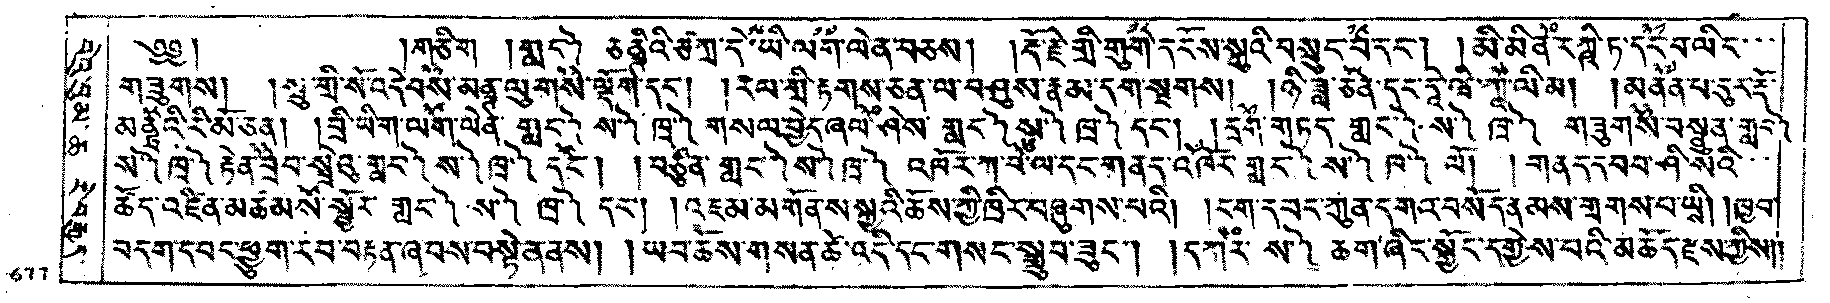༄༅། །གཅིག །གླང྄་ཅནྚིའི་ཙཀྲ་དེ ༡༦་ཡི་ལག ༡༧་ལེན་བཅས། །རྡོ་རྗེ་གྲི་གུག ༡༨་དངོས་སྐུའི་བསྲུང་བ ༡༩་དང་། །མི་མིན ༢༠་རཀྵི་ཏ་དང ༢༡་བ་ལིང་གཟུགས། །སྤུ་གྲི་སོ་འདེབས ༢༢་མནྚ་ལུགས ༢༣་ལྡོག་དང་། །རལ་གྲི་རྟགས་ཅན་ལ་བཤུས་རྣམ་དག་སྔགས། །ཉི་ཟླ་ཅན ༢༥་དང་དE་ཝི་ཀཱ ༢༦་ལི་མ། །མན ༢༧་པ་དུར་རྡོ་
༢༨་མནྟྲའི་རི་མོ་ཅན། །བྲི་ཡིག ༢༩་ལག་ལེན་གླང྄་ས྄་ཁྲ྄་གསལ་བྱེད་ཞལ ༣༠་ཤེས་གླང྄་ས྄་ཁྲ྄་དང་། །དྲག ༣༡་གཏད་གླང྄་ས྄་ཁྲ྄་གཟུགས ༣༢་བསྣུན་གླང྄
ས྄་ཁྲ྄་རྟེན ༣༣་བྲབ་སྤྲེའུ་གླང྄་ས྄་ཁྲ྄ ༣༤་དང་། །བཅུན ༣༥་གླང྄་ས྄་ཁྲ྄་འཁོར་ཀ་པ ༣༦་ལ་དང་གནད ༣༧་འཁོར་གླང྄་ས྄་ཁ྄་ལོ། །གནད་དབབ་ཤི་སའི་
ཚོད་འཛིན་མཚམས ༣༩་སྦྱོར་གླང྄་ས྄་ཁྲ྄་དང་། །འཇམ་མགོན་ས་སྐྱའི་ཆོས་ཀྱི་ཁྲིར་བཞུགས་པའི། །ངག་དབང་ཀུན་དགའ་བསོད་ནམས་གྲགས་པ་ཡིས། །ཁྱབ་
བདག་དབང་ཕྱུག་རབ་བརྟན་ཞབས་བསྟེན་ནས། །ཡབ་ཆོས་གསན་ཚེ་འདི་དང་གསང་སྒྲུབ་ཟུང་། །དཀར ༤༠་ས྄་ཆག་ཞིང་སྐྱོང་དགྱེས་པའི་མཆོད་རྫས་ཀྱིས།།